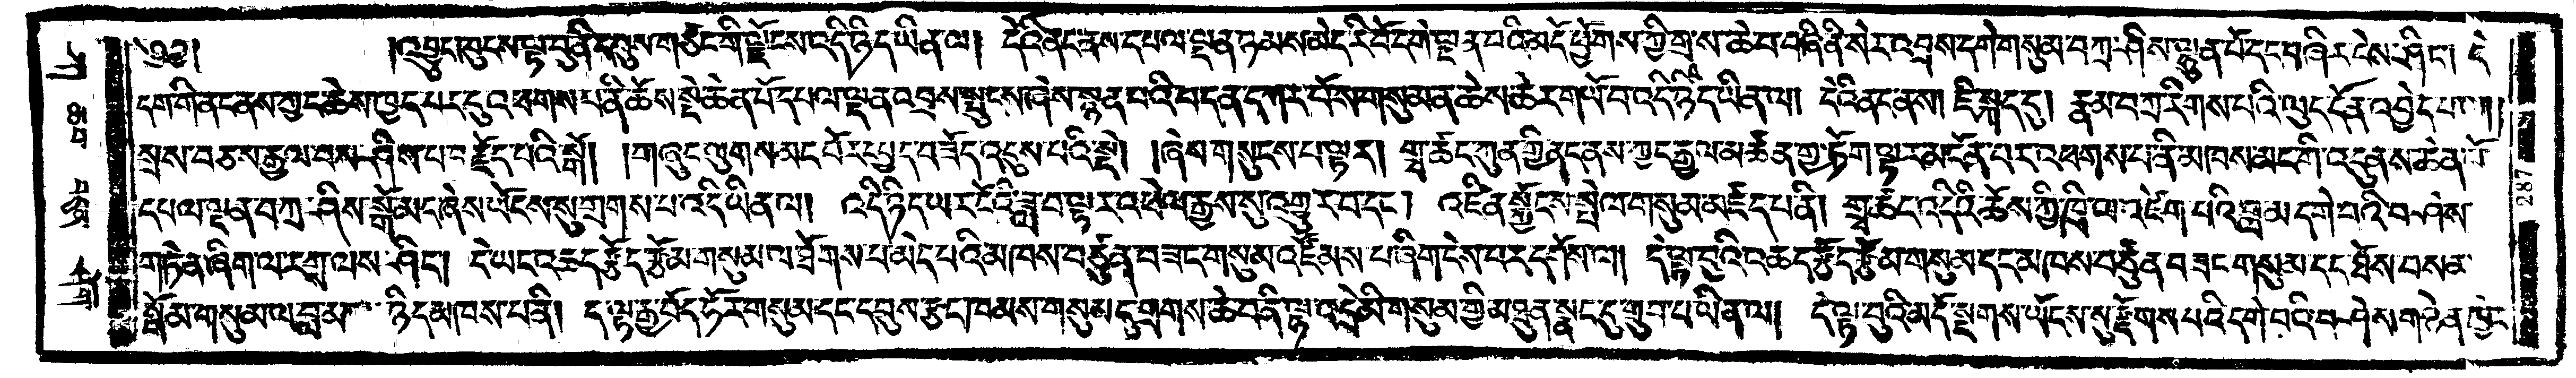༄༅། །འབྱུང་ཁུངས་ལྟ་བུ་ནི་དབུས་གཙང་གི་ལྗོངས་འདི་ཉིད་ཡིན་ལ། དེའི་ནང་ནས་དཔལ་ལྡན་ཉམས་མེད་རི་བོ་དགེ་ལྡན་པའི་མདོ་ཕྱོགས་ཀྱི་གྲ་ས་ཆེ་བ་བཞི་ནི་སེར་འབྲས་དགེ་གསུམ་བཀྲ་ཤིས་ལྷུན་པོ་དང་བཞིར་ངེས་ཤིང་། དེ་
དག་གི་ནང་ནས་ཀྱང་ཆེས་ཁྱད་པར་དུ་འཕགས་པ་ནི་ཆོས་སྡེ་ཆེན་པོ་དཔལ་ལྡན་འབྲས་སྤུངས་ཞེས་སྙན་པའི་བདན་དཀར་པོས་གསུམ་ན་ཆེས་ཆེར་གཡོ་བ་འདི་ཉིད་ཡིན་ལ། དེའི་ནང་ནས། ཇི་སྐད་དུ། རྣམ་བཀྲ་རིགས་པའི་ལུད་དོན་འབྱེད་པ།།
སྲས་བཅས་རྒྱལ་བས་ཤིས་བ་རྗོད་པའི་སྒོ། །གཞུང་ལུགས་མང་པོར་དཔྱད་བཟོད་འདུས་པའི་སྡེ། །ཞེས་གསུངས་པ་ལྟར། གྲྭ་ཚང་ཀུན་གྱི་ནང་ནས་ཀྱང་རྒྱལ་མཚན་གྱ་ཏོག་ལྟར་མངོན་བར་འཕགས་པ་ནི་མཁས་མང་གི་འདུན་ས་ཆེན་པོ་
དཔལ་ལྡན་བཀྲ་ཤིས་སྒོ་མང་ཞེས་ཡོངས་སུ་གྲགས་པ་འདི་ཡིན་ལ། འདི་ཉིད་ཡར་ངོ་ཟླ་བ་ལྟར་འཕེལ་རྒྱས་སུ་འགྱུར་བ་དང་། འཛིན་སྐྱོངས་སྤེལ་གསུམ་མཛད་པ་ནི། གྲྭ་ཚང་འདིའི་ཆོས་ཀྱི་ཁྲི་ལ་འཛེག་བའི་བླ་མ་དགེ་བའི་བཤེས་
གཏེན་ཞིག་ལ་རགས་ལས་ཤིང་། དེ་ཡང་འཆད་རྩོད་རྩོམ་གསུམ་ལ་ཐོགས་པ་མེད་པའི་མཁས་བཙུན་བཟང་གསུམ་འཛོམས་པ་ཞིག་ངེས་པར་དགོས་ལ། དེ་ལྟ་བུའི་འཆད་རྩོད་རྩོམ་གསུམ་དང་མཁས་བཙུན་བཟང་གསུམ་དང་ཐོས་བསམ་
སྒོམ་གསུམ་ལ་བླ་མ་?་ཉིད་མཁས་པ་ནི། ད་ལྟ་རྒྱ་བོད་ཧོར་གསུམ་དང་དབུས་རྩང་ཁམས་གསུམ་དུ་གྲགས་ཆེ་བ་ནི་ལྷ་འདྲེ་མི་གསུམ་གྱི་མཐུན་སྣང་དུ་གྲུབ་པ་ཡིན་ལ། དེ་ལྟ་བུའི་མདོ་སྔགས་ཡོངས་སུ་རྫོགས་པའི་དགེ་བའི་གཤེགས་གཉེན་ཁྱེར་